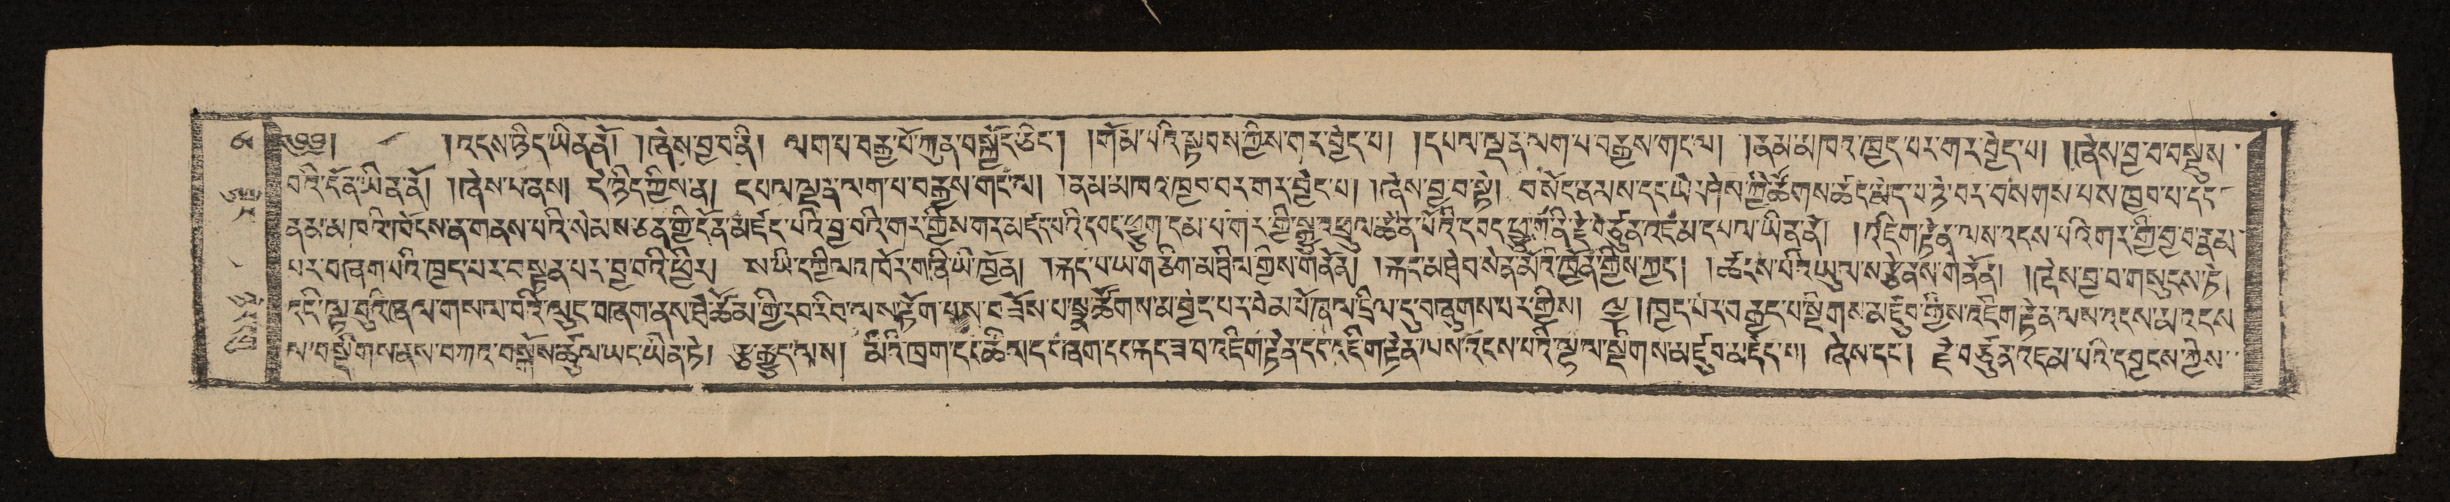༄༅། །འདས་ཉིད་ཡིན་ནོ། །ཞེས་བྱ་བ་ནི། ལག་པ་བརྒྱ་པོ་ཀུན་བསྐྱོད་ཅིང་། །གོམ་པའི་སྟབས་ཀྱིས་གར་བྱེད་པ། །དཔལ་ལྡན་ལག་པ་བརྒྱས་གང་ལ། །ནམ་མཁའ་ཁྱབ་པར་གར་བྱེད་པ། །ཞེས་བྱ་བ་བསྡུས་
པའི་དོན་ཡིན་ནོ། །ཞེས་པ་ནས། དེ་ཉིད་ཀྱིས་ན། དཔལ་ལྡན་ལག་པ་བརྒྱས་གང་ལ། །ནམ་མཁའ་ཁྱབ་པར་གར་བྱེད་པ། །ཞེས་བྱ་བ་སྟེ། བསོད་ནམས་དང་ཡེ་ཤེས་ཀྱི་ཚོགས་ཚད་མེད་པ་ཉེ་བར་བསགས་པས་ཁྱབ་པ་དང་།
ནམ་མཁའི་ཁོངས་ན་གནས་པའི་སེམས་ཅན་གྱི་དོན་མཛད་པའི་བྱ་བའི་གར་གྱིས་གར་མཛད་པའི་དབང་ཕྱུག་དམ་པ་གར་གྱི་སྒྱུ་འཕྲུལ་ཆེན་པོའི་དབང་ཕྱུག་ནི་རྗེ་བཙུན་འཇམ་དཔལ་ཡིན་ནོ། །འཇིག་རྟེན་ལས་འདས་པའི་གར་གྱི་བྱ་བ་རྣམ་
པར་བཞག་པའི་ཁྱད་པར་བསྟན་པར་བྱ་བའི་ཕྱིར། ས་ཡི་དཀྱིལ་འཁོར་གཞི་ཡི་ཁྱོན། །རྐང་པ་ཡ་གཅིག་མཐིལ་གྱིས་གནོན། །རྐང་མཐེབ་སེན་མོའི་ཁྱོན་གྱིས་ཀྱང་། །ཚངས་པའི་ཡུལ་ས་རྩེ་ནས་གནོན། །ཞེས་བྱ་བ་གསུངས་ཏེ།
འདི་ལྟ་བུའི་ཞལ་གསལ་བའི་ལུང་བཞག་ནས་ཐེ་ཚོམ་གྱི་རབ་རིབ་ལས་རྟོག་པས་བཟོས་པ་སྣ་ཚོགས་མ་བྱེད་པར་བེམ་པོ་ཞལ་དྲིལ་དུ་བཞུགས་པར་གྱིས། ༈ །ཁྱད་པར་བརྒྱད་པ་སྡིགས་མཛུབ་གྱིས་འཇིག་རྟེན་ལས་འདས་མ་འདས་
ལ་བསྡིགས་ནས་བཀའ་བསྒོས་ཚུལ་ཡང་ཡིན་ཏེ། རྩ་རྒྱུད་ལས། མིའི་ཁྲག་དང་ཚིལ་དང་ཞག་དང་རྐང་ཟ་བ་འཇིག་རྟེན་དང་འཇིག་རྟེན་ལས་འདས་པའི་ལྷ་ལ་སྡིགས་མཛུབ་མཛད་པ། ཞེས་དང་། རྗེ་བཙུན་འཇམ་པའི་དབྱངས་ཀྱིས་